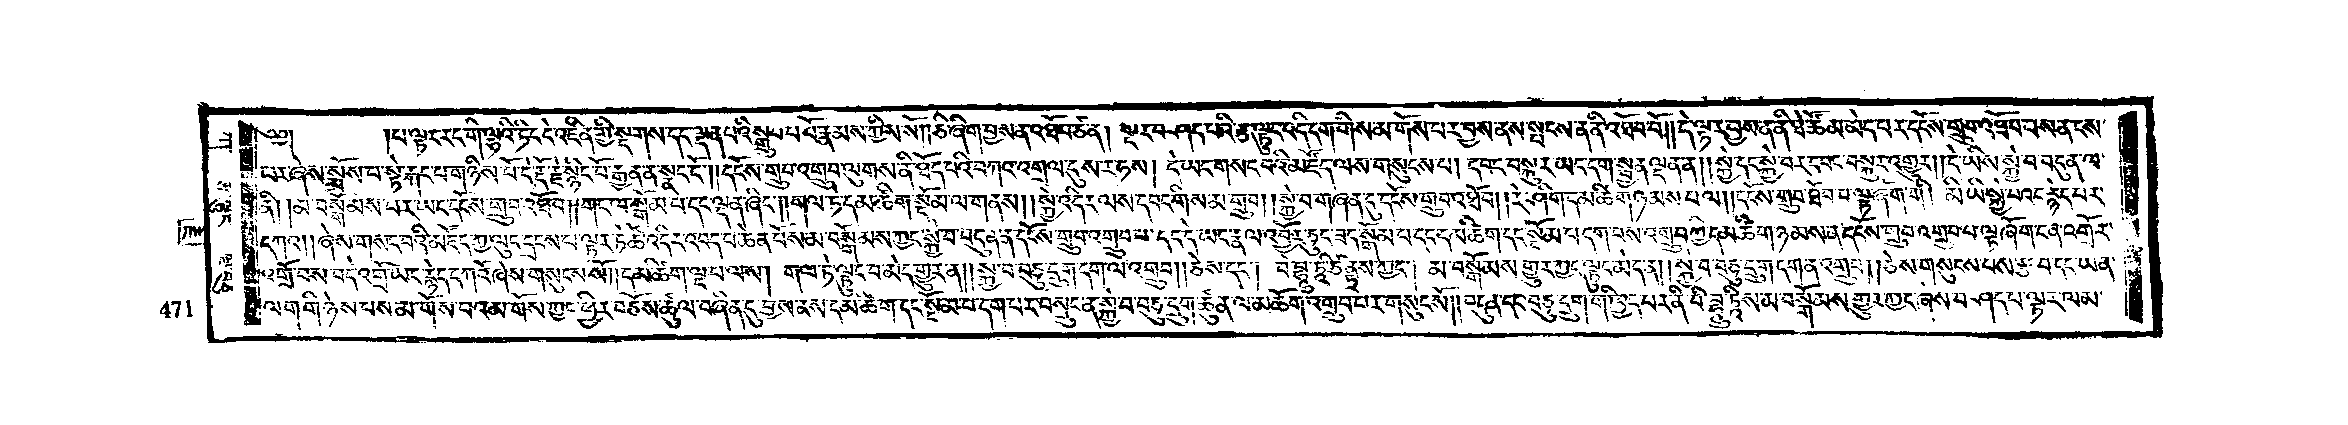༄༅། །པ་ལྟར་རང་གི་ལྷའི་ཏིང་ངེ་འཛིན་གྱི་སྡགས་དང་ལྡན་པའི་སྒྲུབ་པ་པོ་རྣམས་ཀྱིས་སོ། །ཅི་ཞིག་བྱས་ན་འཐོབ་ཙ་ན། སྔར་བཤད་པའི་རྩ་ལྟུང་འདི་དག་གིས་མ་གོས་པར་བྱས་ནས་སྤངས་ན་ནི་འཐོབ་བོ། །དེ་ལྟར་བྱས་ན་ནི་ཐེ་ཚོམ་མེད་པར་དངོས་གྲུབ་འཐོབ་བསན་ངས་
པར་ཞེས་སྨོས་པ་སྟེ་རྐང་པ་གཉིས་པོ་དེ་རྡོ་རྗེ་སྙིང་པོ་རྒྱན་ན་སྣང་ངོ། །དངོས་གྲུབ་འགྲུབ་ལུགས་ནི་ཐོད་པའི་བཀའ་འགྲལ་དུ་ས་ར་ཧས། དེ་ཡང་གསང་བའི་མཛོད་ལས་གསུངས་པ། དབང་བསྐུར་ཡང་དག་སྤྱན་ལྡན་ན། །སྐྱེ་དང་སྐྱེ་བར་དབང་བསྐུར་འགྱུར། །དེ་ཡིས་སྐྱེ་བ་བདུན་ལ་
ནི། །མ་བསྒོམས་པར་ཡང་དངོས་གྲུབ་འཐོབ། །གང་ལ་སྒོམ་པ་དང་ལྡན་ཞིང་། །གལ་ཏེ་དམ་ཚིག་སྡོམ་ལ་གནས། །སྐྱེ་འདིར་ལས་དབང་གིས་མ་གྲུབ། །སྐྱེ་བ་གཞན་དུ་དངོས་གྲུབ་འཐོབ། །རེ་ཤིག་དམ་ཚིག་ཉམས་པ་ལ། །དངོས་གྲུབ་ཐོབ་པ་ལྟ་ཞོག་གི། མི་ཡི་སྐྱེ་པའང་རྙེད་པར་
དཀའ། །ཞེས་གསང་བའི་མཛོད་ཀྱང་ལུང་དྲངས་པ་ལྟར་ཏེ་ཚེ་འདིར་འབད་པ་ཆེན་པོས་མ་བསྒོམས་ཀྱང་སྐྱེ་བ་བདུན་ན་དངོས་གྲུབ་འགྲུབ་པ་དང་དེ་ཡང་རྣལ་འབྱོར་ཅུང་ཟད་སྒོམ་པ་དང་དམ་ཚིག་དང་སྡོམ་པ་དག་པས་འགྲུབ་ཀྱི་དམ་ཚིག་ཉམས་ན་དངོས་གྲུབ་འགྲུབ་པ་ལྟ་ཞོག་ངན་འགྲོར་
འགྲོ་བས་བདེ་འགྲོ་ཡང་རྙེད་དཀའོ་ཞེས་གསུངས་སོ། །དམ་ཚིག་ལྔ་པ་ལས། གལ་ཏེ་ལྟུང་བ་མེད་གྱུར་ན། །སྐྱ་བ་བཅུ་དྲུག་དག་ལ་འགྲུབ། །ཅེས་དང་། བེ་བྷཱུ་ཏཱི་ཙནཏྲས་ཀྱང་། མ་བསྒོམས་གྱུར་ཀྱང་ལྟུང་མེད་ན། །སྐྱེ་བ་བཅུ་དྲུག་དག་ན་འགྲུབ། །ཅེས་གསུངས་པས་རྩ་བ་དང་ཡན་
ལག་གི་ཉེས་པས་མ་གོས་པའམ་གོས་ཀྱང་ཕྱིར་བཅོས་ཚུལ་བཞིན་དུ་བྱས་ནས་དམ་ཚིག་དང་སྡོམ་པ་དག་པར་བསྲུང་ན་སྐྱེ་བ་བཅུ་དྲུག་ཚུན་ལ་མཆོག་འགྲུབ་པར་གསུངས་སོ། །བདུན་དང་བཅུ་དྲུག་གི་ཁྱད་པར་ནི་བི་བྷཱུ་ཏཱིས་མ་བསྒོམས་གྱུར་ཀྱང་ཞེས་བཤད་པ་ལྟར་ལམ་